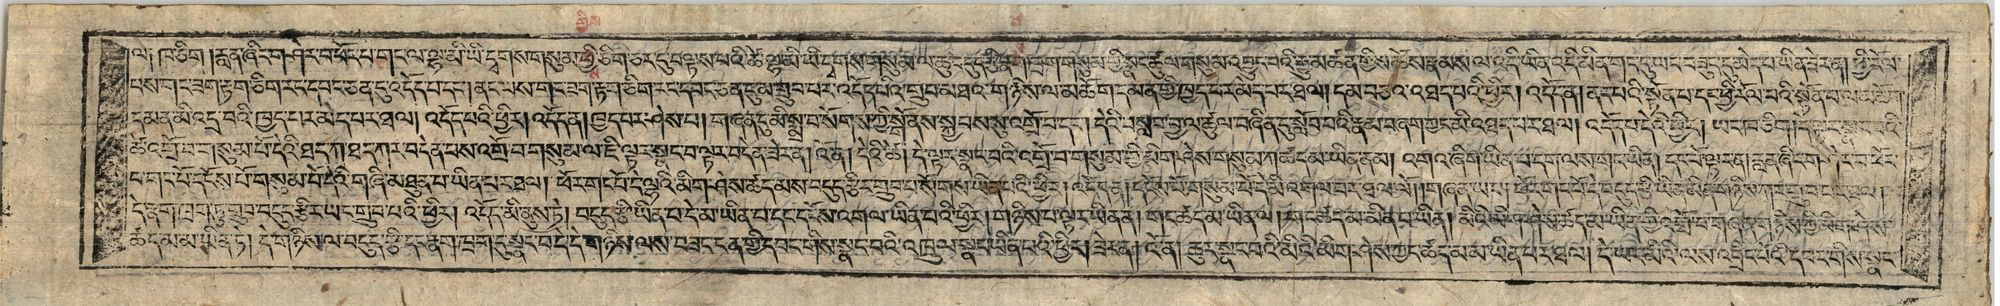ལ༑ ཁ་ཅིག །རླན་ཞིང་གཤེར་བ་ཕོར་པ་གང་ལ་ལྷ་མི་ཡི་དྭགས་གསུམ་གྱིས་ཅིག་ཅར་དུ་བལྟས་པའི་ཚེ་ལྷ་མི་ཡི་དྭགས་གསུམ་ལ་ཆུ་བདུད་རྩི་རྣག་ཁྲག་གསུམ་གྱི་སྣང་ཚུལ་གསུམ་འབྱུང་བའི་རྒྱུ་མཚན་གྱིས་ཆོས་རྣམས་ལ་འདི་ཡིན་འདི་མིན་གང་དུ་ཡང་བཟུང་དུ་མེད་པ་ཡིན་ཟེར་ན། ཕྱི་རོལ་
པས་གང་ཟག་རྟག་ཅིག་རང་དབང་ཅན་དུ་འདོད་པ་དང་། ནང་པས་གང་ཟག་རྟག་ཅིག་རང་དབང་ཅན་དུ་མ་གྲུབ་པར་འདོད་པའི་གྲུབ་མཐའ་གཉིས་ལ་མཆོག་དམན་གྱི་ཁྱད་པར་མེད་པར་ཐལ། དམ་བཅའ་འཐད་པའི་ཕྱིར། འདོད་ན། ནང་པའི་སྟོན་པ་དང་ཕྱི་རོལ་པའི་སྟོན་པ་ལ་མཆོག་
དམན་མི་འདྲ་བའི་ཁྱད་པར་མེད་པར་ཐལ། འདོད་པའི་ཕྱིར། འདོད་ན། ཁྱད་པར་ཤེས་པ། གཞན་དུ་མི་སྨྲ་བ་སོགས་ཀྱི་སྒོ་ནས་སྐྱབས་སུ་འགྲོ་བ་དང་། དེའི་བསླབ་བྱ་ལ་ཚུལ་བཞིན་དུ་སློབ་པའི་རྣམ་བཞག་ཀྱང་མི་འཐད་པར་ཐལ། འདོད་བ་དེའི་ཕྱིར། ཡང་ཁ་ཅིག །དེ་ལྟར་སྣང་བའི་
ཚེ་འགྲོ་བ་གསུམ་པོ་དེའི་ཐད་ཀ་ཐད་ཀར་བདེན་པས་འགྲོ་བ་གསུམ་ལ་ཇི་ལྟར་སྣང་བ་ལྟར་བདེན་ཟེར་ན། འོ་ན། དེའི་ཚེ། དེ་ལྟར་སྣང་བའི་འགྲོ་བ་གསུམ་གྱི་མིག་ཤེས་གསུམ་ཀ་ཚད་མ་ཡིན་ནམ། འགའ་ཞིག་ཡིན་པ་དག་ལས་གང་ཡིན། དང་པོ་ལྟར་ན། རླན་ཞིང་གཤེར་བ་ཕོར་
བ་གང་པོ་དངོས་པོ་གསུམ་པོ་དེའི་གཞི་མཐུན་པ་ཡིན་པར་ཐལ། ཕོར་གང་པོ་དེ་ལྷའི་མིག་ཤེས་ཚད་མས་བདུད་རྩིར་གྲུབ་པ་སོགས་ཡིན་པའི་ཕྱིར། འདོད་ན། དངོས་པོ་གསུམ་པོ་དེ་མི་འགལ་བར་ཐལ་ལོ། །གཞན་ཡང་། ཕོར་གང་པོ་དེ་བདུད་རྩི་ཡིན་མིན་གཉིས་ཀར་གྲུབ་པར་ཐལ།
དེ་རྣག་ཁྲག་ཏུ་གྲུབ་བདུད་རྩིར་ཡང་གྲུབ་པའི་ཕྱིར། འདོད་མི་ནུས་ཏེ། བདུད་རྩི་ཡིན་པ་དེ་མ་ཡིན་པ་དང་དངོས་འགལ་ཡིན་པའི་ཕྱིར། གཉིས་པ་ལྟར་ཡིན་ན། གང་ཚད་མ་ཡིན་ལ། གང་ཚད་མ་མིན་པ་ཡིན། མིའི་མིག་ཤེས་ཚད་མ་ཡིན་གྱི་འགྲོ་བ་གཞན་གཉིས་ཀྱི་མིག་ཤེས་
ཚད་མ་མ་ཡིན་ཏེ། དེ་གཉིས་ལ་བདུད་རྩི་དང་རྣག་ཁྲག་དུ་སྣང་བ་དེ་དེ་གཉིས་ལས་བཟང་ངན་གྱི་དབང་གིས་སྣང་བའི་འཁྲུལ་སྣང་ཡིན་པའི་ཕྱིར། ཟེར་ན། འོ་ན། ཆུར་སྣང་བའི་མིའི་མིག་ཤེས་ཀྱང་ཚད་མ་མ་ཡིན་པར་ཐལ། དེ་ཡང་མིའི་ལས་འབྲིང་པོའི་དབང་གིས་སྣང་